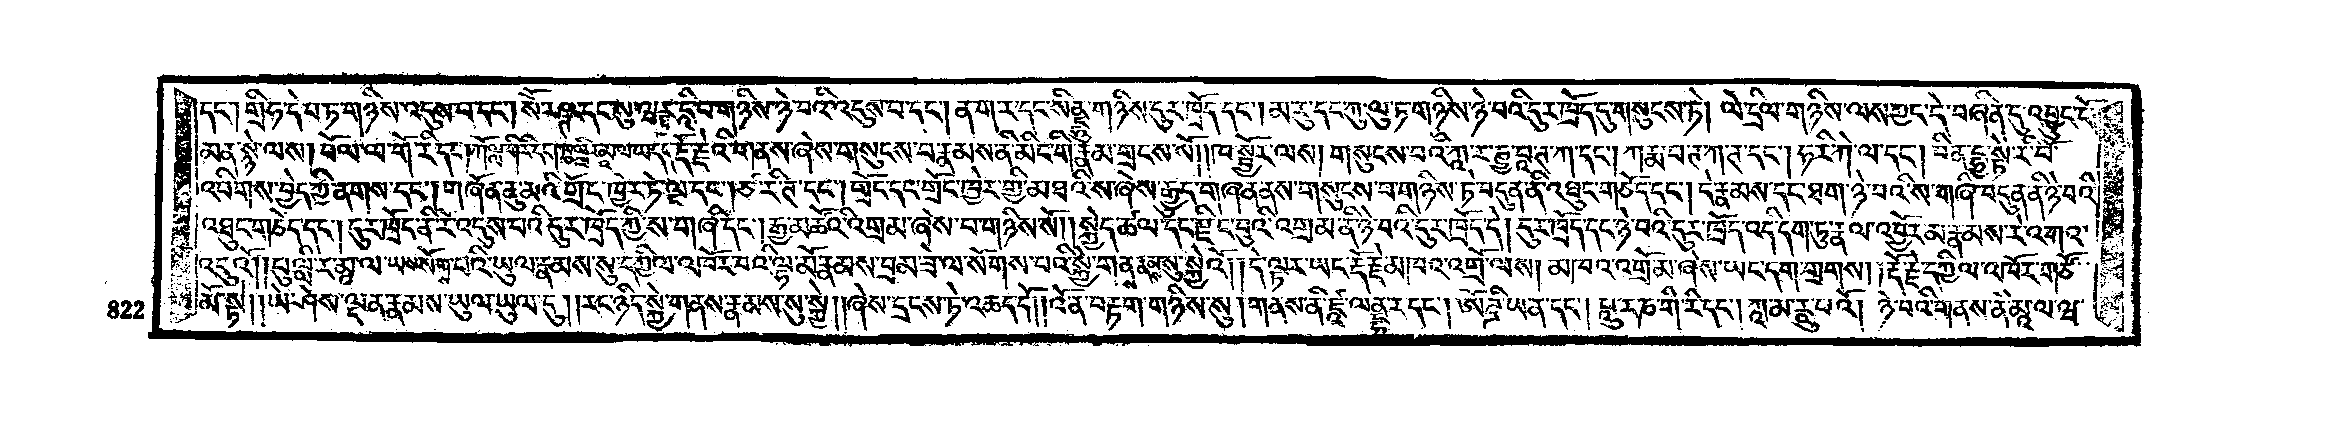དང་། གྲིཧ་དེ་བ་ཏ་གཉིས་འདུས་པ་དང་། སཽ་རཥྚ་དང་སུ་ཝརྣཱ་དཱི་པ་གཉིས་ཉེ་བའི་འདུས་པ་དང་། ན་ག་ར་དང་སིནྡྷུ་གཉིས་དུར་ཁྲོད་དང་། མ་རུ་དང་ཀུ་ལུ་ཏ་གཉིས་ཉེ་བའི་དུར་ཁྲོད་དུ་གསུངས་ཏེ། ལེ་དྲིལ་གཉིས་ལས་ཀྱང་དེ་བཞིན་དུ་འབྱུང་ངོ།
མན་སྙེ་ལས། བློ་ལ་གོ་རི་དང་། ཀོལླ་གི་རི་དང་། བུ་ལླིར་མཱ་ལ་ཡ་དང་། རྡོ་རྗེའི་གནས་ཞེས་གསུངས་པ་རྣམས་ནི་མིང་གི་རྣམ་གྲངས་སོ། །ཁ་སྦྱོར་ལས། གསུངས་པའི་ཀཱ་ར་ནྱ་པཱ་ཊ་ཀ་དང་། ཀརྨ་པ་ཊ་ཀ་ཊ་དང་། ཧ་རི་ཀེ་ལ་དང་། བིན་དྷྱ་སྟེ་རི་བོ་
འབིགས་བྱེད་ཀྱི་ནགས་དང་། གཞོན་ནུ་མའི་གྲོང་ཁྱེར་ཏེ་ལྔ་དང་། ཙ་ར་ཊི་དང་། གྲོང་དང་གྲོང་ཁྱེར་གྱི་མཐའི་ས་ཞེས་རྒྱུད་གཞན་ནས་གསུངས་པ་གཉིས་ཏེ་བདུན་ནི་འཐུང་གཅོད་དང་། དེ་རྣམས་དང་ཐག་ཉེ་བའི་ས་གཞི་བདུན་ནི་ཉེ་བའི་
འཐུང་གཅོད་དང་། དུར་ཁྲོད་ནི་རོ་འདུས་པའི་དུར་ཁྲོད་ཀྱི་ས་གཞི་དང་། རྒྱ་མཚོའི་འགྲམ་ཞེས་པ་གཉིས་སོ། །སྐྱེད་ཚལ་དང་རྫིང་བུའི་འགྲམ་ནི་ཉེ་བའི་དུར་ཁྲོད་དེ། དུར་ཁྲོད་དང་ཉེ་བའི་དུར་ཁྲོད་འདི་དག་ཏུ་རྣལ་འབྱོར་མ་རྣམས་རེ་འགའ་
འདུའོ། །ཕུ་ལླི་ར་མཱ་ལ་ཡ་ལ་སོགས་པའི་ཡུལ་རྣམས་སུ་དཀྱིལ་འཁོར་བའི་ལྷ་མེ་རྣམས་བྲམ་ཟ་ལ་སོགས་པའི་སྐྱེ་གནས་རྣམས་སུ་སྐྱེའོ། །དེ་ལྟར་ཡང་རྡོ་རྗེ་མཁའ་འགྲོ་ལས། མཁའ་འགྲོ་མ་ཞེས་ཡང་དག་གྲངས། །རྡོ་རྗེ་དཀྱིལ་འཁོར་གཙོ་
མོ་སྟེ། །ཡེ་ཤེས་ལྡན་རྣམས་ཡུལ་ཡུལ་དུ། །རང་ཉིད་སྐྱེ་གནས་རྣམས་སུ་སྐྱེ། །ཞེས་དྲངས་ཏེ་འཆད་དོ། །འོ་ན་བརྟག་གཉིས་སུ། གནས་ནི་ཛཱ་ལནྡྷ་ར་དང་། ཨོཌྜི་ཡ་ན་དང་། པཱུ་ར་ཎ་གི་རི་དང་། ཀཱ་མ་རཱུ་པའོ། །ཉེ་བའི་གནས་ནི་མཱ་ལ་ཝ་